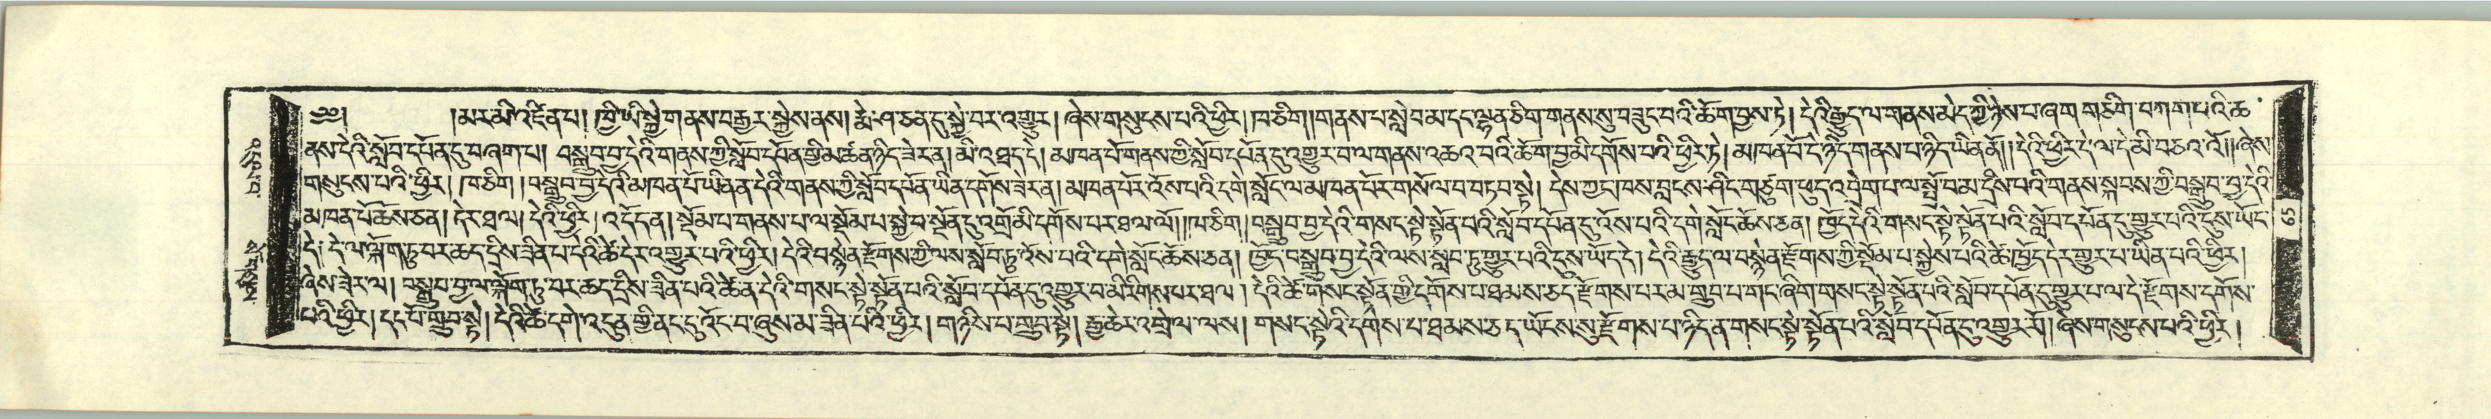༄༅། །མར་མི་འཛིན་པ། ཁྱི་ཡི་སྐྱེ་གནས་བརྒྱར་སྐྱེས་ནས། རྨེ་ཤ་ཅན་དུ་སྐྱེ་བར་འགྱུར། ཞེས་གསུངས་པའི་ཕྱིར། ཁ་ཅིག །གནས་པ་སླེབ་མ་དང་ལྷན་ཅིག་གནས་སུ་བཟུང་བའི་ཆོ་ག་བྱས་ཏེ། དེའི་རྒྱུད་ལ་གནས་མེད་ཀྱི་ཉེས་པ་ཞག་གཅིག་བཀག་པའི་ཆ་
ནས་དེའི་སློབ་དཔོན་དུ་བཞག་པ། བསྒྲུབ་བྱ་དེའི་གནས་ཀྱི་སློབ་དཔོན་གྱི་མཚན་ཉིད་ཟེར་ན། མི་འཐད་དེ། མཁན་པོ་གནས་ཀྱི་སློབ་དཔོན་དུ་འགྱུར་བ་ལ་གནས་འཆའ་བའི་ཆོ་ག་བྱ་མི་དགོས་པའི་ཕྱིར་ཏེ། མཁན་པོ་དེ་ཉིད་གནས་པ་ཉིད་ཡིན་ནོ། །དེའི་ཕྱིར་དེ་ལ་དེ་མི་བཅའ་འོ། །ཞེས་
གསུངས་པའི་ཕྱིར། ཁ་ཅིག །བསྒྲུབ་བྱ་དེའི་མཁན་པོ་ཡིན་ན་དེའི་གནས་ཀྱི་སློབ་དཔོན་ཡིན་དགོས་ཟེར་ན། མཁན་པོར་འོས་པའི་དགེ་སློང་ལ་མཁན་པོར་གསོལ་བ་བཏབ་སྟེ། དེས་ཀྱང་ཁས་བླངས་ཤིང་གཙུག་ཕུད་འབྲེག་པ་ལ་སྤྲོ་བ་མ་དྲིས་པའི་གནས་སྐབས་ཀྱི་བསྒྲུབ་བྱ་དེའི་
མཁན་པོ་ཆོས་ཅན། དེར་ཐལ། དེའི་ཕྱིར། འདོད་ན། སྡོམ་པ་གནས་པ་ལ་སྡོམ་པ་སྐྱེ་བ་སྔོན་དུ་འགྲོ་མི་དགོས་པར་ཐལ་ལོ། །ཁ་ཅིག །བསྒྲུབ་བྱ་དེའི་གསང་སྟེ་སྟོན་པའི་སློབ་དཔོན་དུ་འོས་པའི་དགེ་སློང་ཆོས་ཅན། ཁྱོད་དེའི་གསང་སྟེ་སྟོན་པའི་སློབ་དཔོན་དུ་གྱུར་པའི་དུས་ཡོད་
དེ༑ དེ་ལ་ལྐོག་ཏུ་བར་ཆད་དྲིས་ཟིན་པ་དེའི་ཚེ་དེར་འགྱུར་པའི་ཕྱིར། དེའི་བསྙེན་རྫོགས་ཀྱི་ལས་སློབ་ཏུ་འོས་པའི་དགེ་སློང་ཆོས་ཅན། ཁྱོད་བསྒྲུབ་བྱ་དེའི་ལས་སླབ་ཏུ་གྱུར་པའི་དུས་ཡོད་དེ། དེའི་རྒྱུད་ལ་བསྙེན་རྫོགས་ཀྱི་སྡོམ་པ་སྐྱེས་པའི་ཚེ་ཁྱོད་དེར་གྱུར་པ་ཡིན་པའི་ཕྱིར།
ཞེས་ཟེར་ལ། བསྒྲུབ་བྱ་ལ་ལྐོག་ཏུ་བར་ཆད་དྲིས་ཟིན་པའི་ཚེ་ན་དེའི་གསང་སྟེ་སྟོན་པའི་སློབ་དཔོན་དུ་འགྱུར་བ་མི་རིགས་པར་ཐལ། དེའི་ཚེ་གསང་སྟོན་གྱི་དགོས་པ་ཐམས་ཅད་རྫོགས་པར་མ་གྲུབ་པ་གང་ཞིག་གསང་སྟེ་སྟོན་པའི་སློབ་དཔོན་དུ་གྱུར་པ་ལ་དེ་རྫོགས་དགོས་
པའི་ཕྱིར། དང་པོ་གྲུབ་སྟེ། དེའི་ཚེ་དགེ་འདུན་གྱི་ནང་དུ་འོང་བ་ཞུས་མ་ཟིན་པའི་ཕྱིར། གཉིས་པ་གྲུབ་སྟེ། རྒྱ་ཆེར་འགྲེལ་ལས། གསང་སྟེའི་དགེས་པ་ཐམས་ཅད་ཡོངས་སུ་རྫོགས་པ་ཉིད་ན་གསང་སྟེ་སྟོན་པའི་སློབ་དཔོན་དུ་འགྱུར་རོ། །ཞེས་གསུངས་པའི་ཕྱིར།